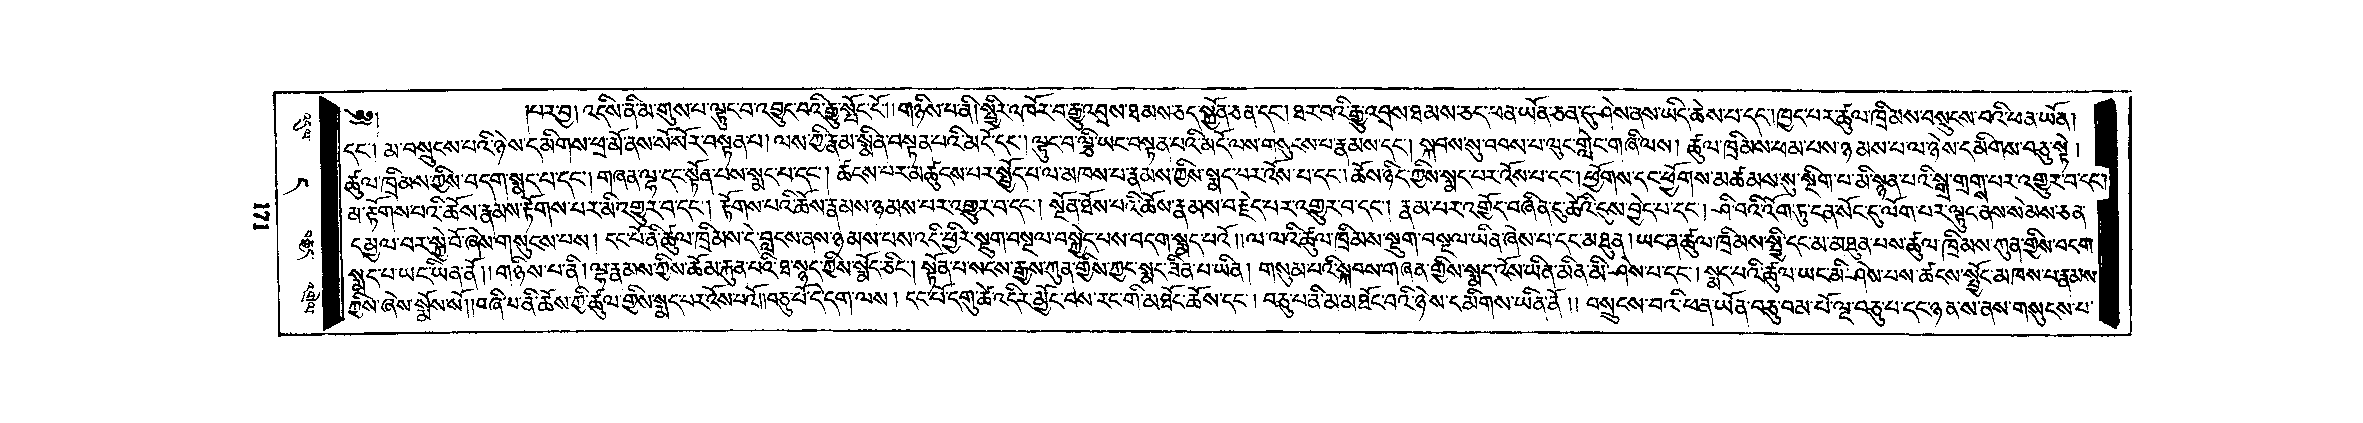༄༅། །པར་བྱ། འདིས་ནི་མ་གུས་པ་ལྟུང་བ་འབྱུང་བའི་རྒྱུ་སྤོང་ངོ། །གཉིས་པ་ནི། སྤྱིར་འཁོར་བ་རྒྱུ་འབྲས་ཐམས་ཅད་སྐྱོན་ཅན་དང་། ཐར་བའི་རྒྱུ་འབྲས་ཐམས་ཅད་ཕན་ཡོན་ཅན་དུ་ཤེས་ནས་ཡིད་ཆེས་པ་དང་། ཁྱད་པར་ཚུལ་ཁྲིམས་བསྲུངས་བའི་ཕན་ཡོན།
དང་། མ་བསྲུངས་པའི་ཉེས་དམིགས་ཕྲ་མོ་ནས་སོ་སོར་བསྟན་པ། ལས་ཀྱི་རྣམ་སྨིན་བསྟན་པའི་མདོ་དང་། ལྟུང་བ་ལྕི་ཡང་བསྟན་པའི་མདོ་ལས་གསུངས་པ་རྣམས་དང་། སྐབས་སུ་བབས་པ་ལུང་གླེང་གཞི་ལས། ཚུལ་ཁྲིམས་ཕམ་པས་ཉམས་པ་ལ་ཉེས་དམིགས་བཅུ་སྟེ།
ཚུལ་ཁྲིམས་ཀྱིས་བདག་སྨད་པ་དང་། གཞན་ལྷ་དང་སྟོན་པས་སྨད་པ་དང་། ཚངས་པར་མཚུངས་པར་སྤྱོད་པ་ལ་མཁས་པ་རྣམས་ཀྱིས་སྨད་པར་འོས་པ་དང་། ཆོས་ཉིད་ཀྱིས་སྨད་པར་འོས་པ་དང་། ཕྱོགས་དང་ཕྱོགས་མཚམས་སུ་སྡིག་པ་མི་སྙན་པའི་སྒྲ་གྲགས་པར་འགྱུར་བ་དང་།
མ་རྟོགས་པའི་ཆོས་རྣམས་རྟོགས་པར་མི་འགྱུར་བ་དང་། རྟོགས་པའི་ཆོས་རྣམས་ཉམས་པར་འགྱུར་བ་དང་། སྔོན་ཐོས་པའི་ཆོས་རྣམས་བརྗེད་པར་འགྱུར་བ་དང་། རྣམ་པར་འགྱོད་བཞིན་དུ་ཚེའི་དུས་བྱེད་པ་དང་། ཤི་བའི་འོག་ཏུ་ངན་སོང་དུ་ལོག་པར་ལྟུང་ནས་སེམས་ཅན་
དམྱལ་བར་སྐྱེ་བོ་ཞེས་གསུངས་པས། དང་པོ་ནི་ཚུལ་ཁྲིམས་དེ་བླངས་ནས་ཉམས་པས་འདི་ཕྱིར་སྡུག་བསྔལ་བསྐྱེད་པས་བདག་སྨད་པའོ། །ལ་ལའི་ཚུལ་ཁྲིམས་སྡུག་བསྔལ་ཡིན་ཞེས་པ་དང་མཐུན། ཡང་ན་ཚུལ་ཁྲིམས་སྤྱི་དང་མ་མཐུན་པས་ཚུལ་ཁྲིམས་ཀུན་གྱིས་བདག་
སྨད་པ་ཡང་ཡིན་ནོ། །གཉིས་པ་ནི། ལྷ་རྣམས་ཀྱིས་ཆོམ་རྐུན་པའི་ཐ་སྙད་ཀྱིས་སྨོད་ཅིང་། སྟོན་པ་སངས་རྒྱས་ཀུན་གྱིས་ཀྱང་སྨད་ཟིན་པ་ཡིན། གསུམ་པའི་སྐབས་གཞན་གྱིས་སྨད་འོས་ཡིན་མིན་མི་ཤེས་པ་དང་། སྨད་པའི་ཚུལ་ཡང་མི་ཤེས་པས་ཚངས་སྤྱོད་མཁས་པ་རྣམས་
ཀྱིས་ཞེས་སྨོས་སོ། །བཞི་པ་ནི་ཆོས་ཀྱི་ཚུལ་གྱིས་སྨད་པར་འོས་པའོ། །བཅུ་པོ་དེ་དག་ལས། དང་པོ་དགུ་ཚེ་འདིར་མྱོང་བས་རང་གི་མཐོང་ཆོས་དང་། བཅུ་པ་ནི་མ་མཐོང་བའི་ཉེས་དམིགས་ཡིན་ནོ། །བསྲུངས་བའི་ཕན་ཡོན་བཅུ་བམ་པོ་ལྔ་བཅུ་པ་དང་ཉན་ས་ནས་གསུངས་པ་